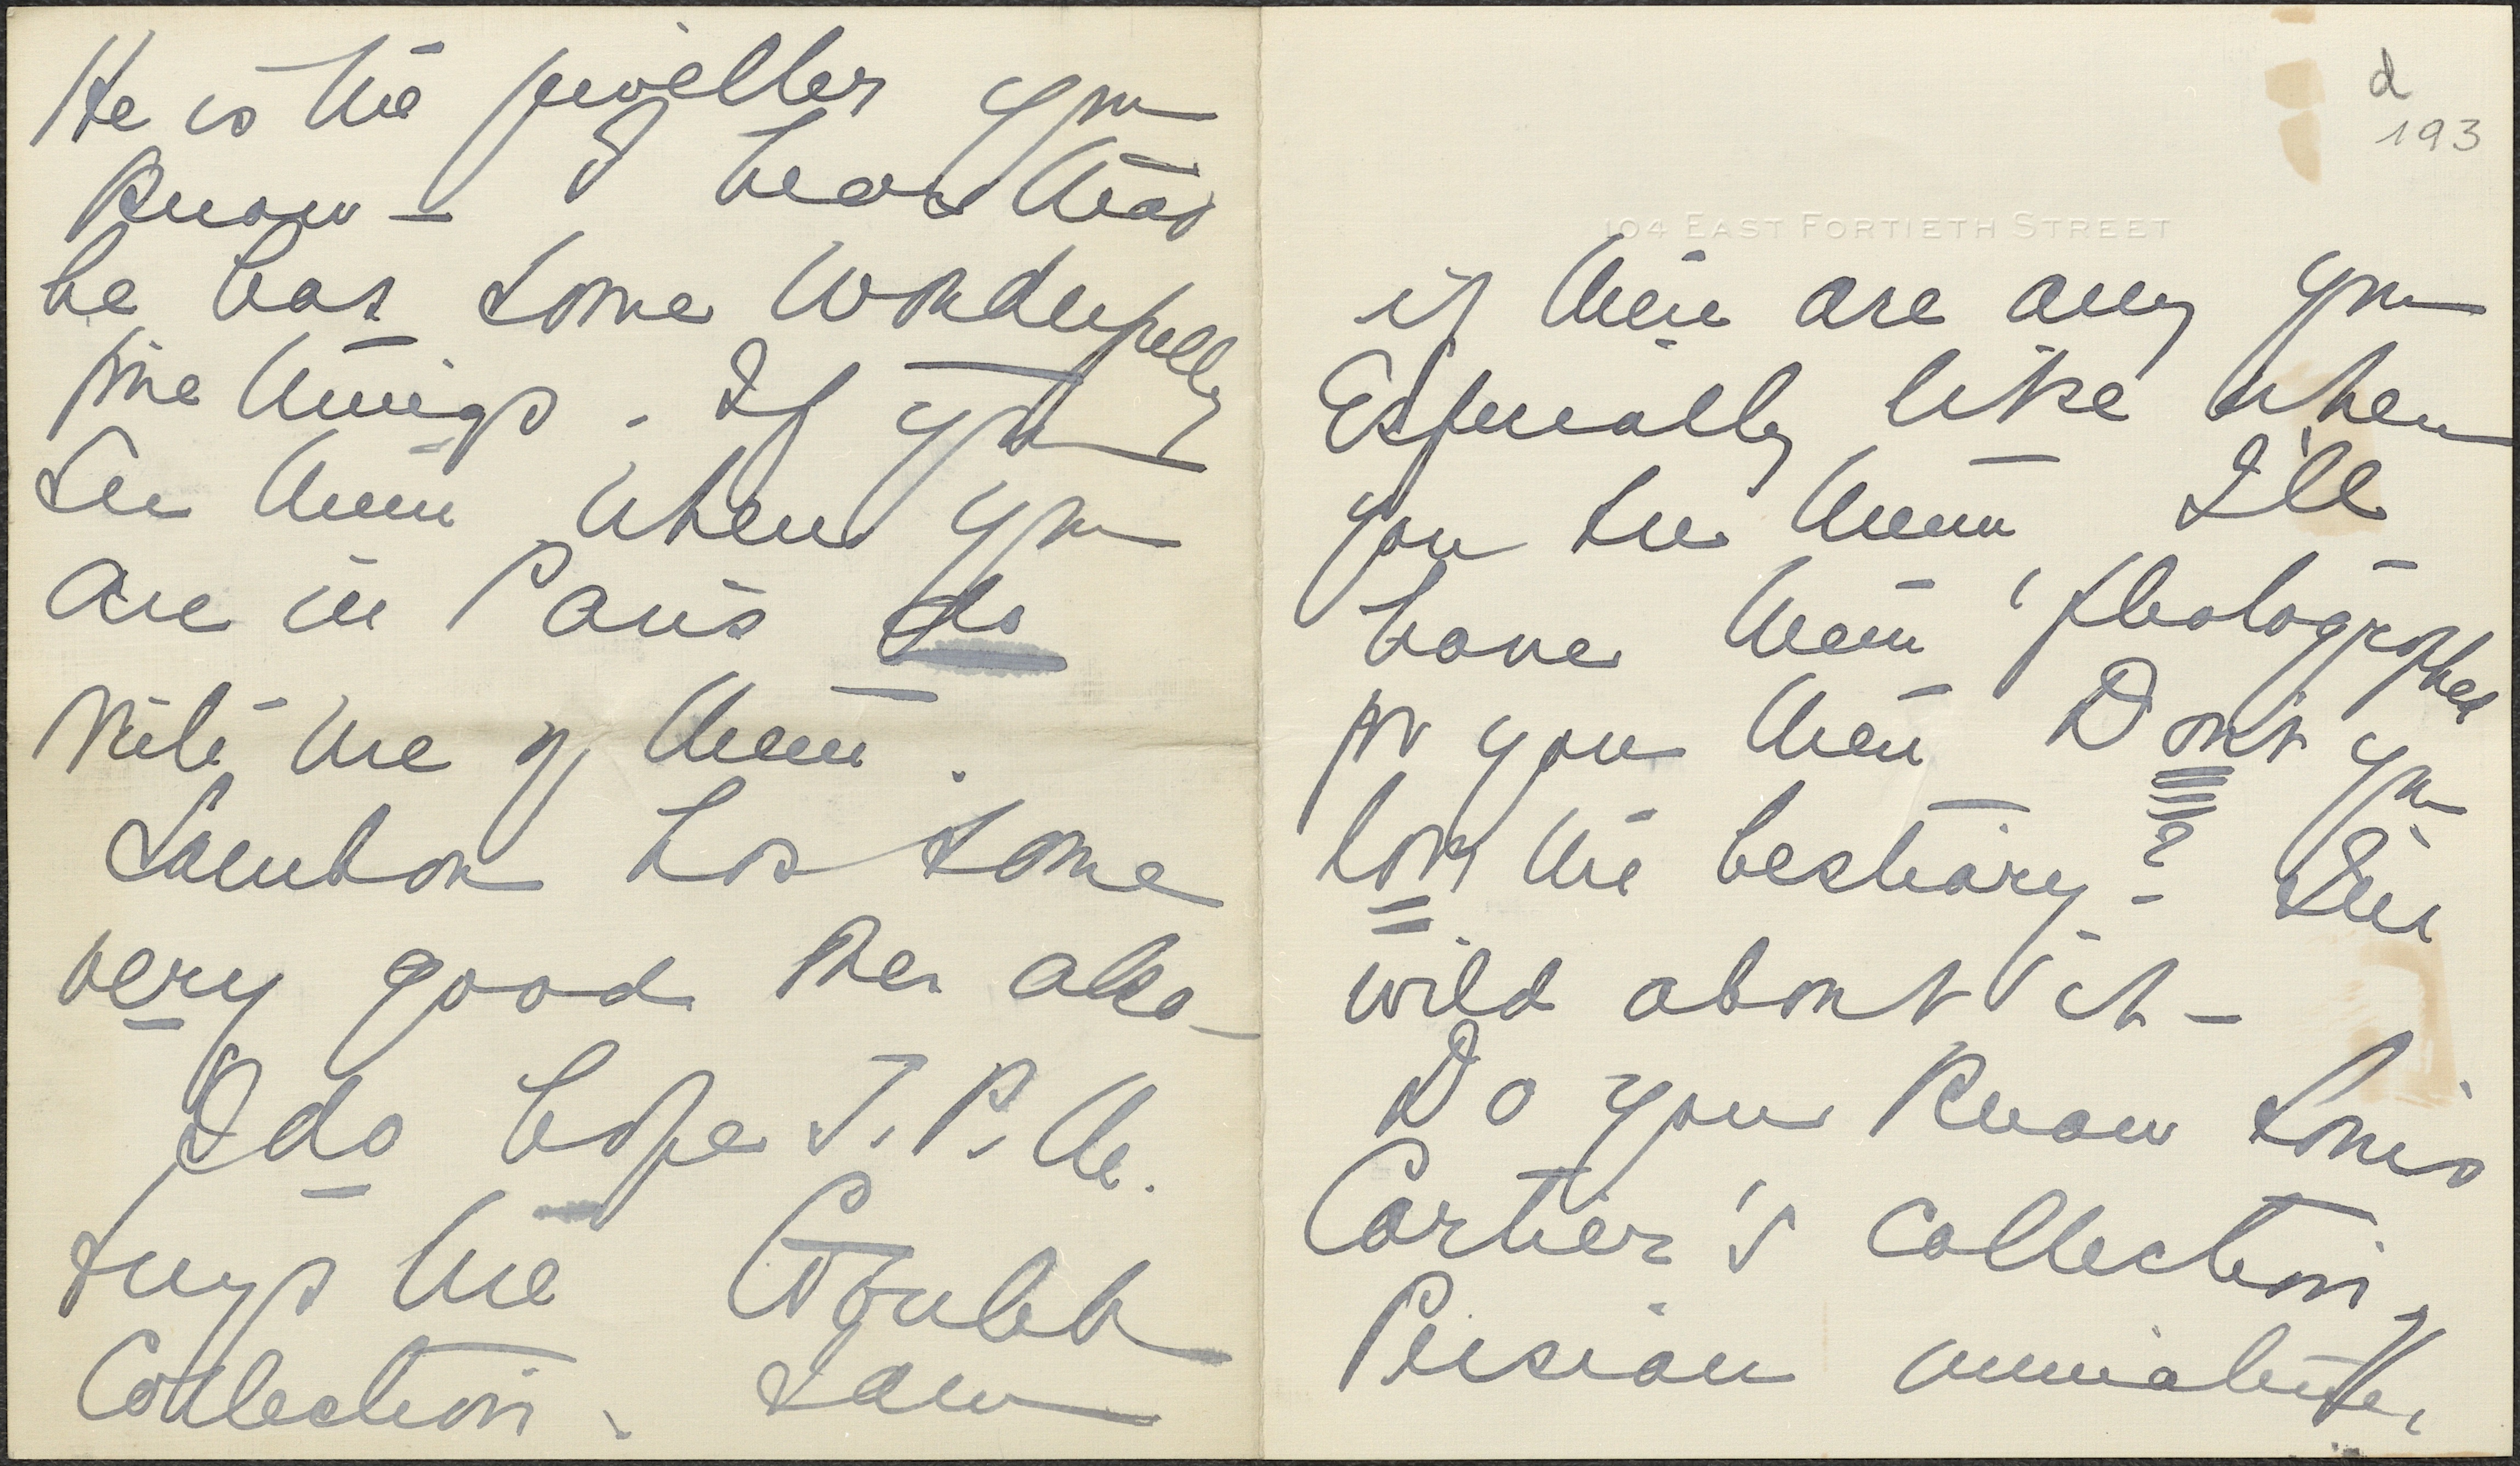if there are any you especially like when you see them, I’ll have them photographed for you then [quadruple underlined: Don’t] you [double underlined: love] the bestiary? I’m wild about it –
So you know Louis Cartier’s collection of Persian miniatures
He is the jeweller you know – I hear that he has some wonderfully fine things. If you see them when you are in Paris do write me of them.
Sambon has some very good ones also – I do hope J. P. M. buys the Goubb Collection. I am